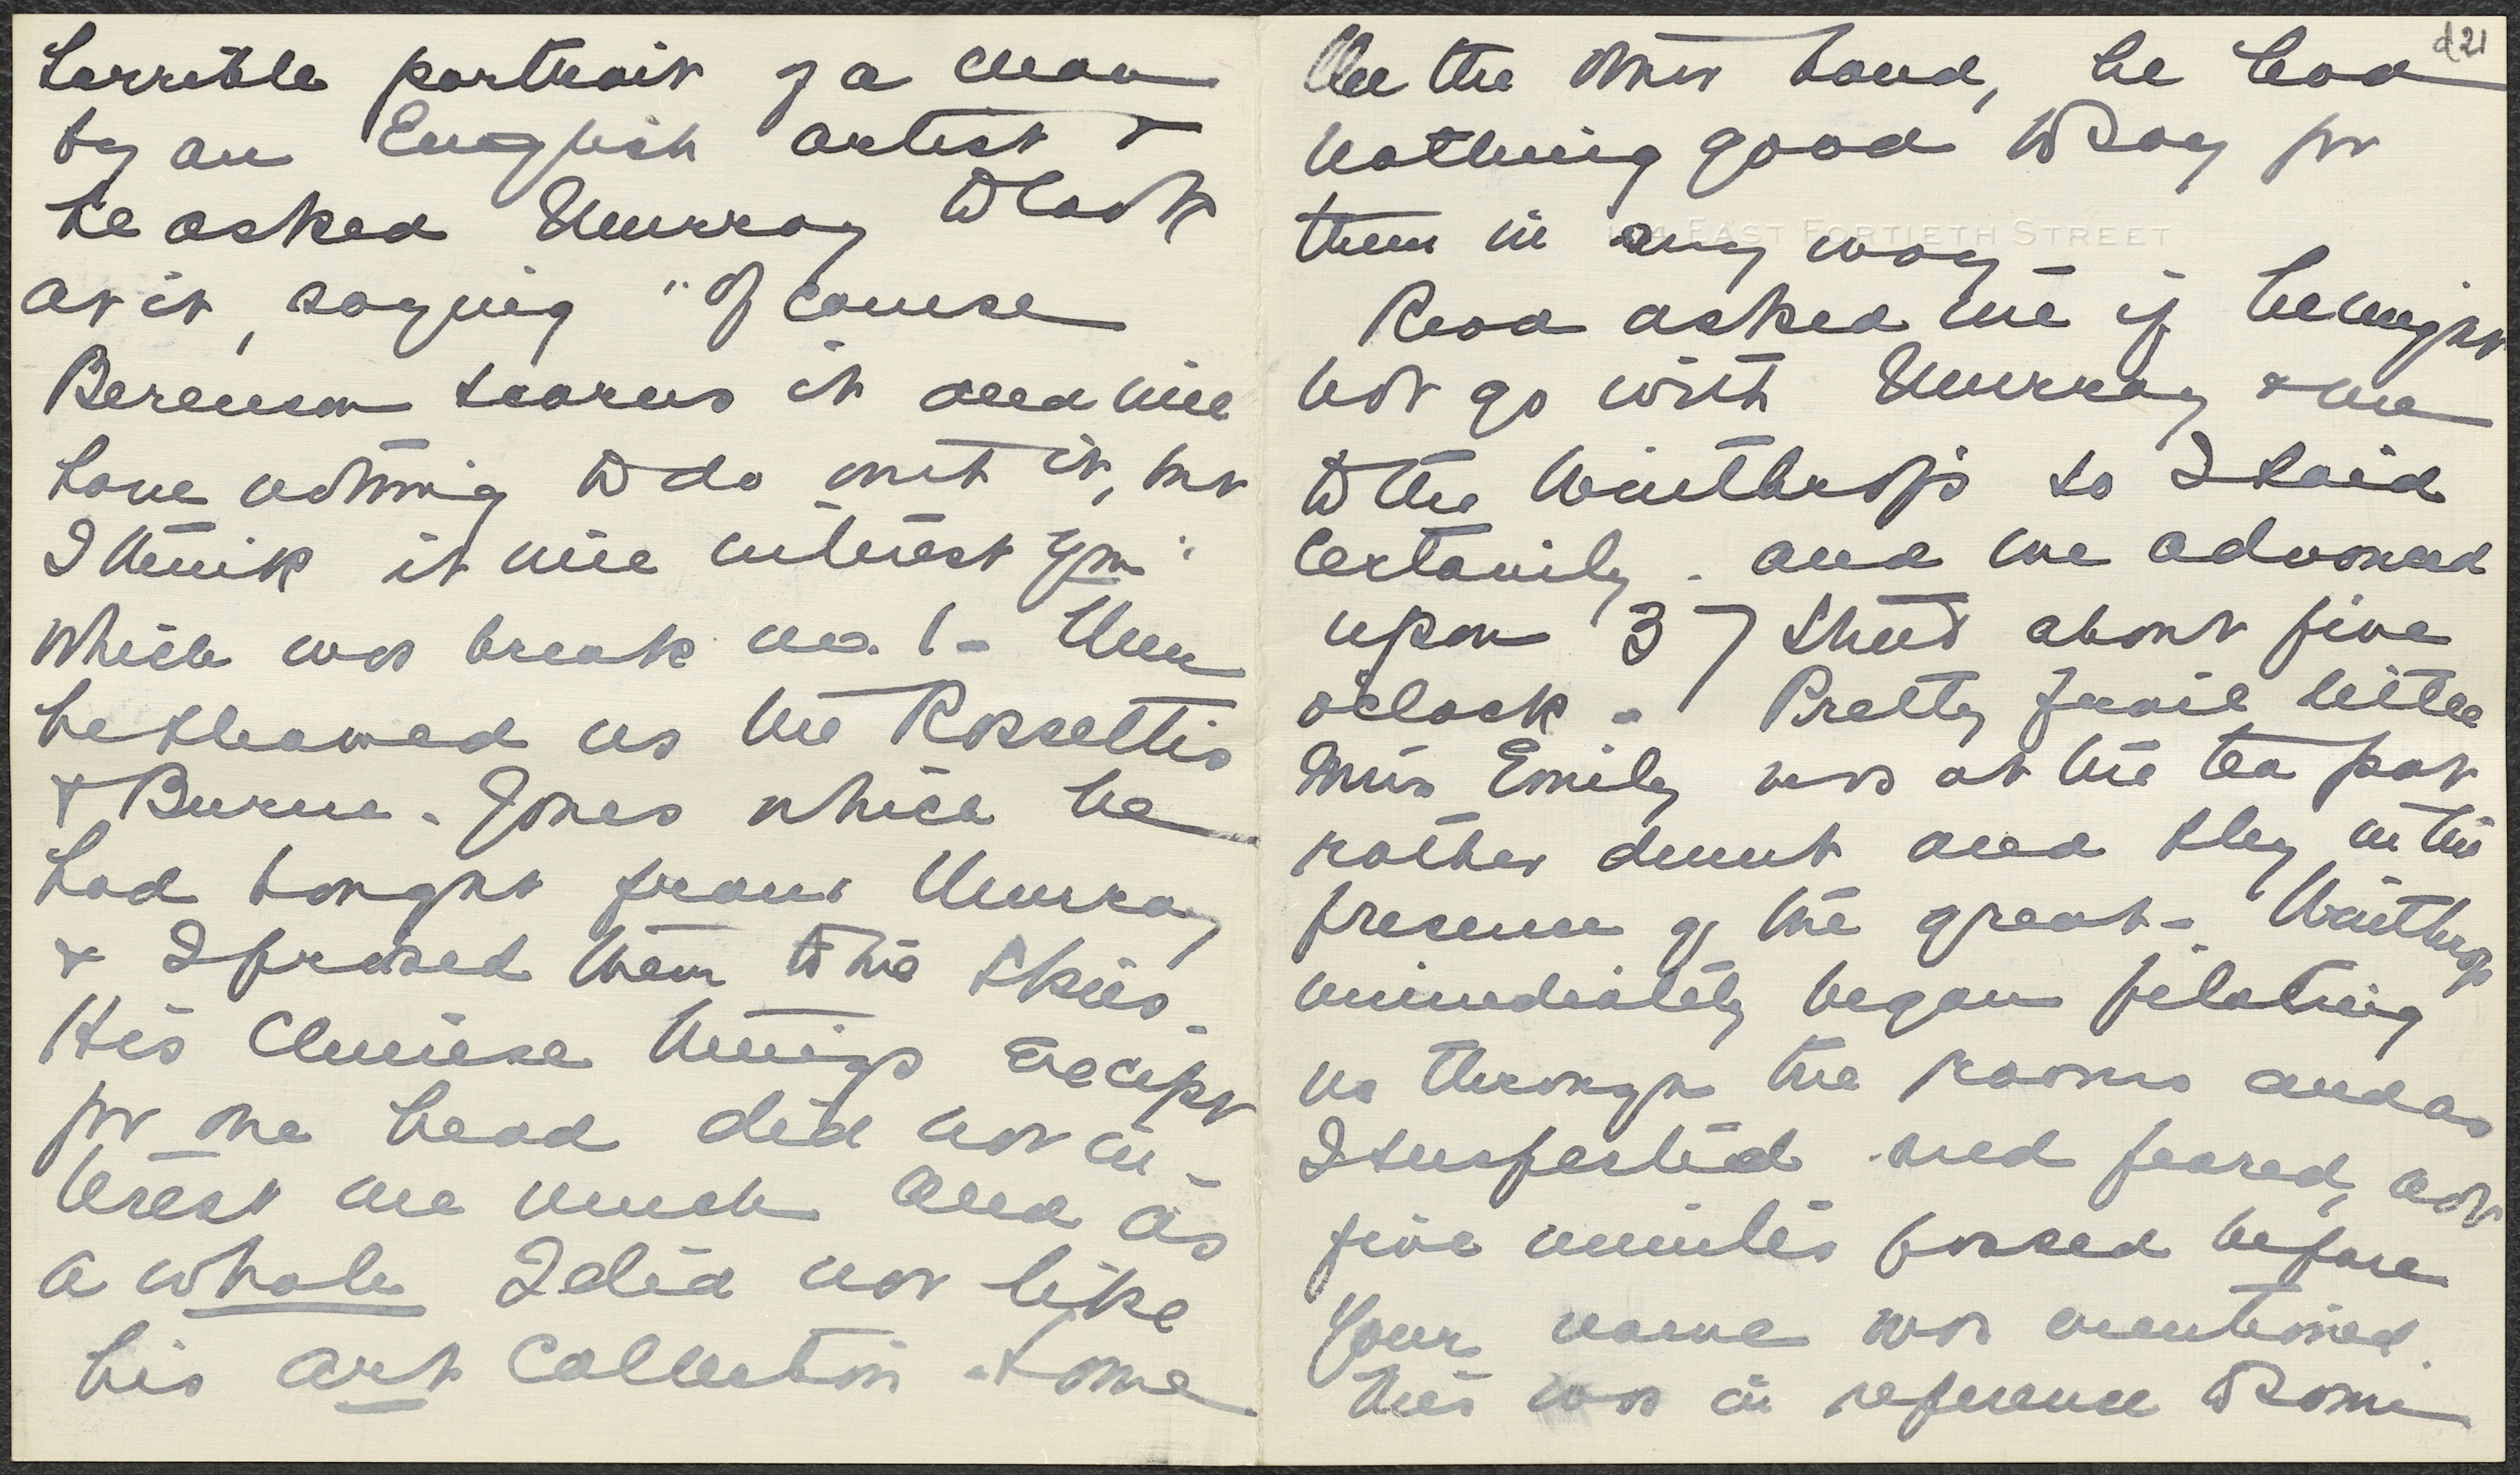On the other hand, he had nothing good to say for them in any way –
Read asked me if he might not go with Murray & me to the Winthrop's so I said certainly – and we advanced upon 37 Street about five o'clock – Pretty frail little Miss Emily was at the tea pot rather drunk and shy in the presence of the great – Winthrop immediately began piloting us through the rooms and as I suspected and feared, not five minutes passed before your name was mentioned. This was in reference to some
horrible portrait of a man by an English artist & he asked Murray to look at it, saying "Of course Berenson scorns it and will have nothing to do with it, but I think it will interest you" which was break no. 1 – Then he showed us the Rossettis & Burne-Jones which he had bought from Murray & I praised them to the skies. His Chinese things except for one head did not interest me much and as a whole I did not like his art collection. Some